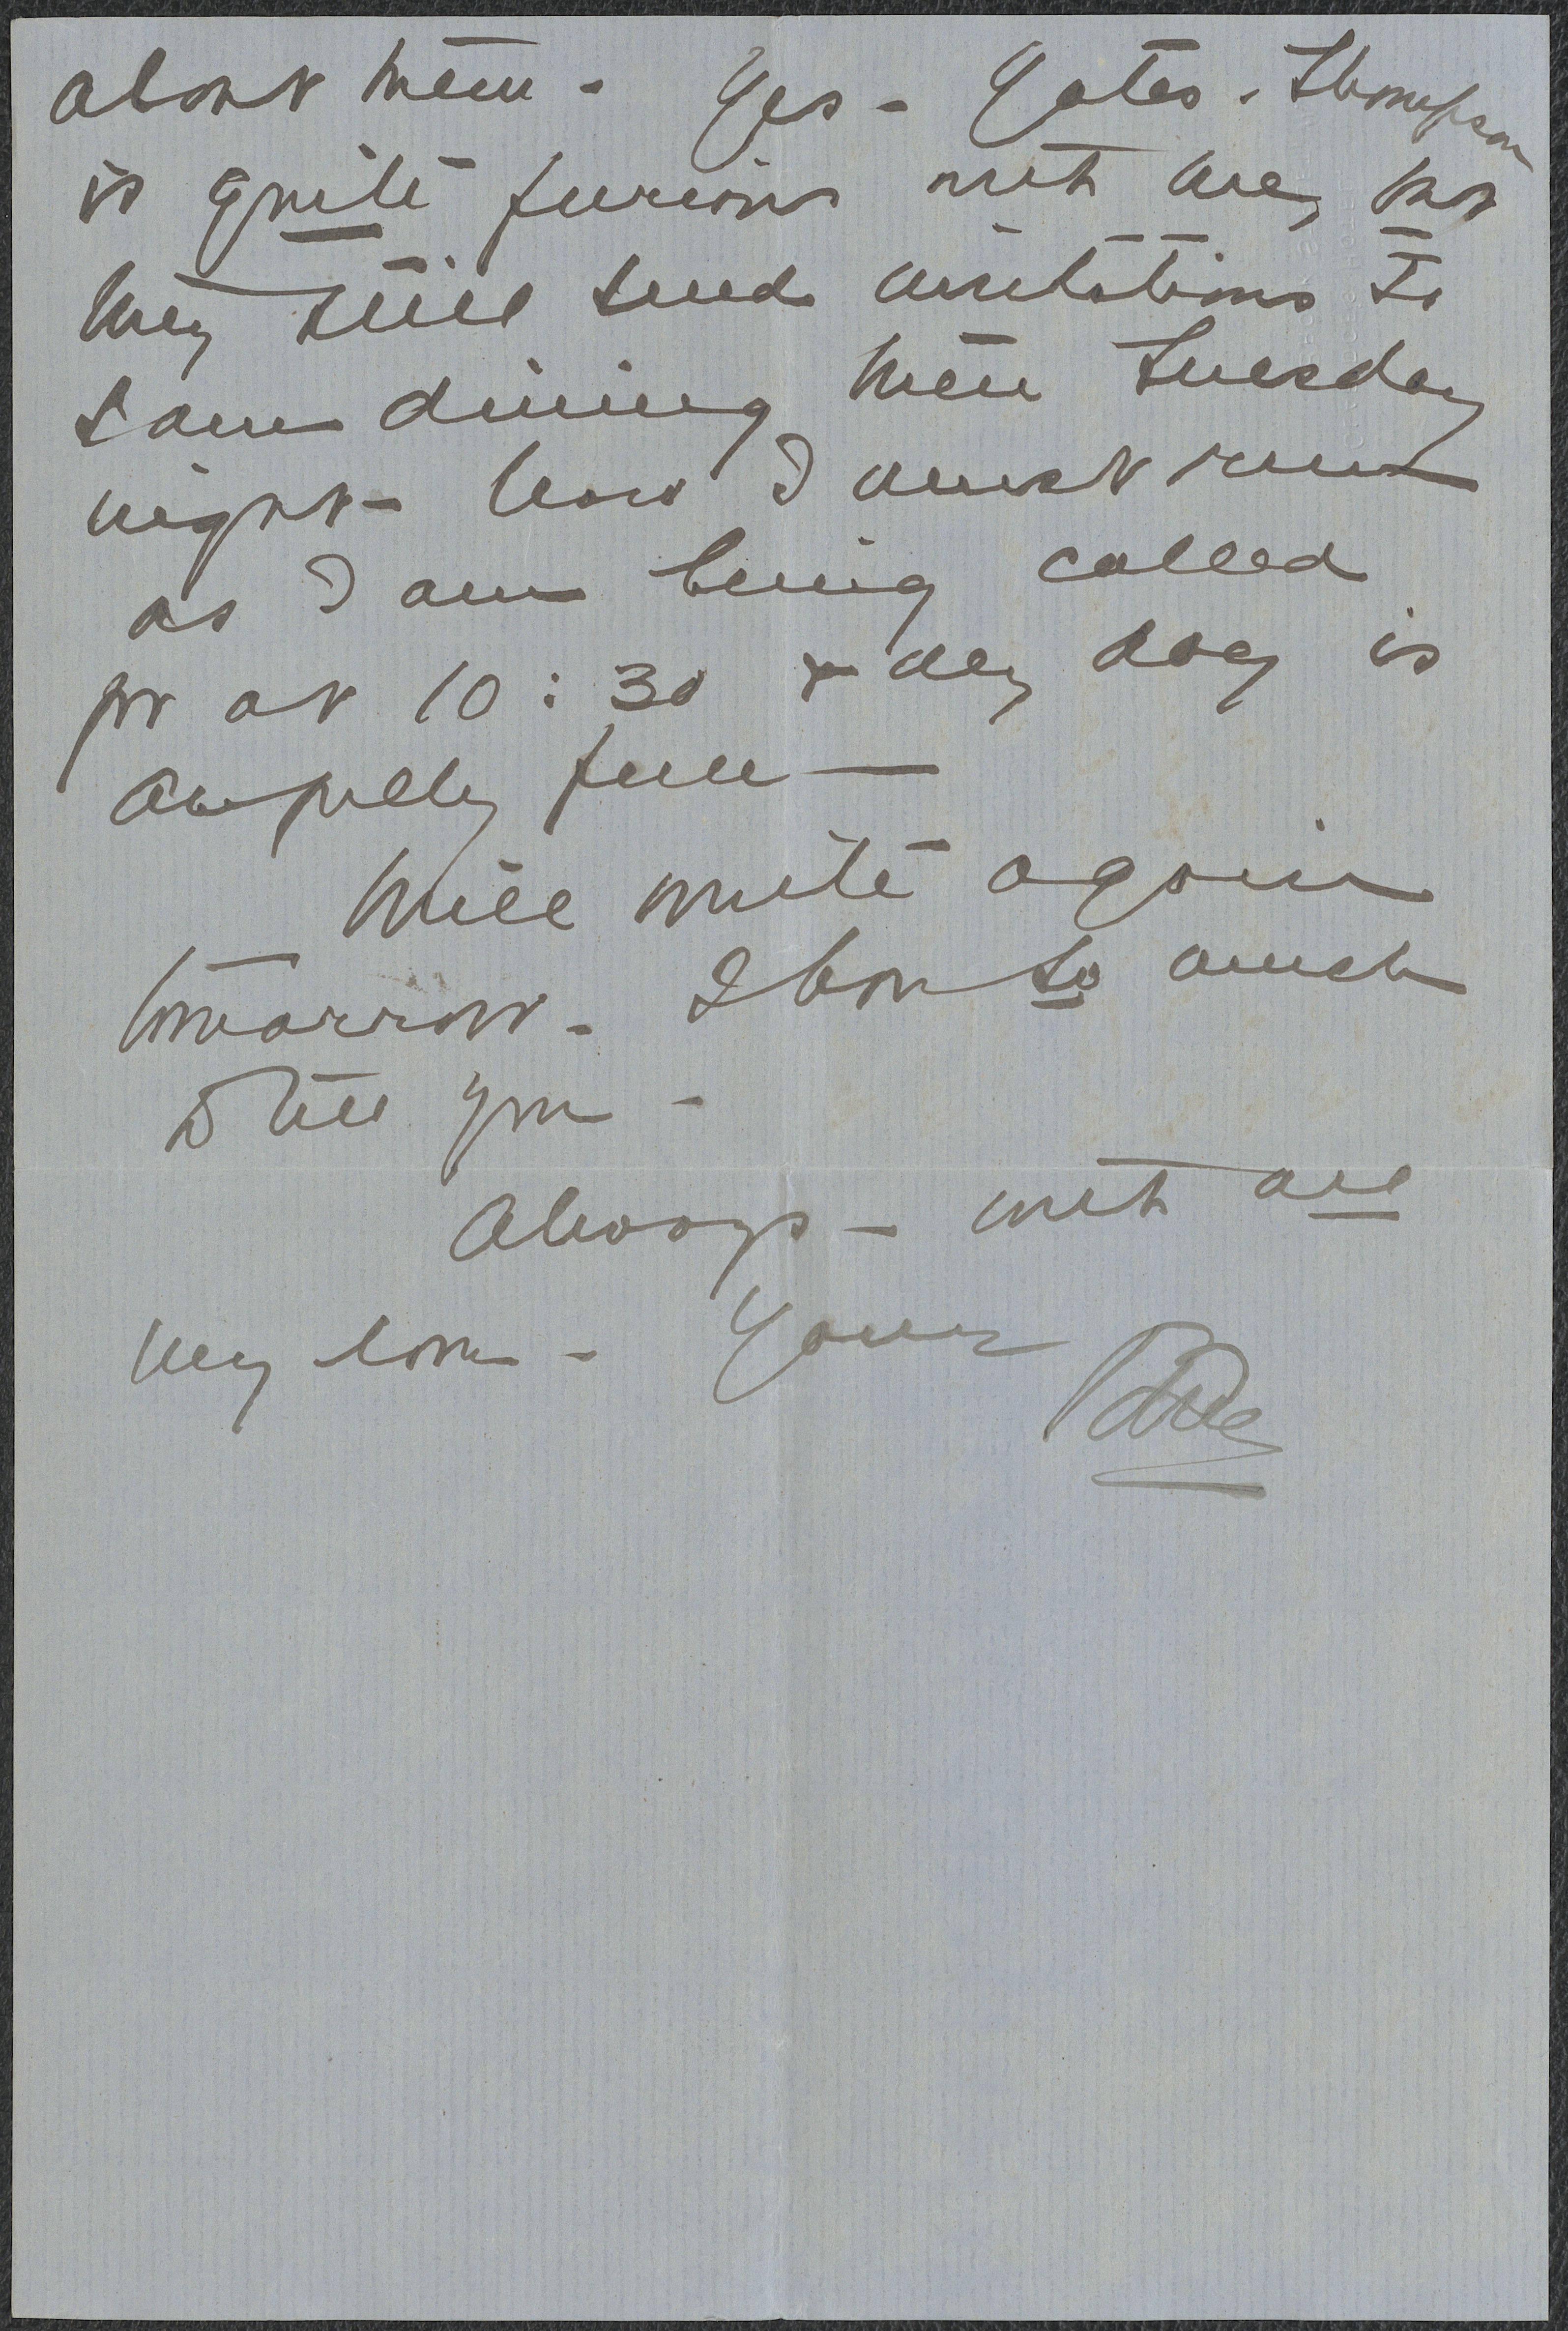about them – Yes – Yates-Thompson is quite furious with me, [double underlined: but] they still send invitations so I am dining there Tuesday night – Now I must run as I am being called for at 10:30 & my day is awfully full –
Will write again tomorrow – I have so much to tell you –
Always – with all my love – Your Belle